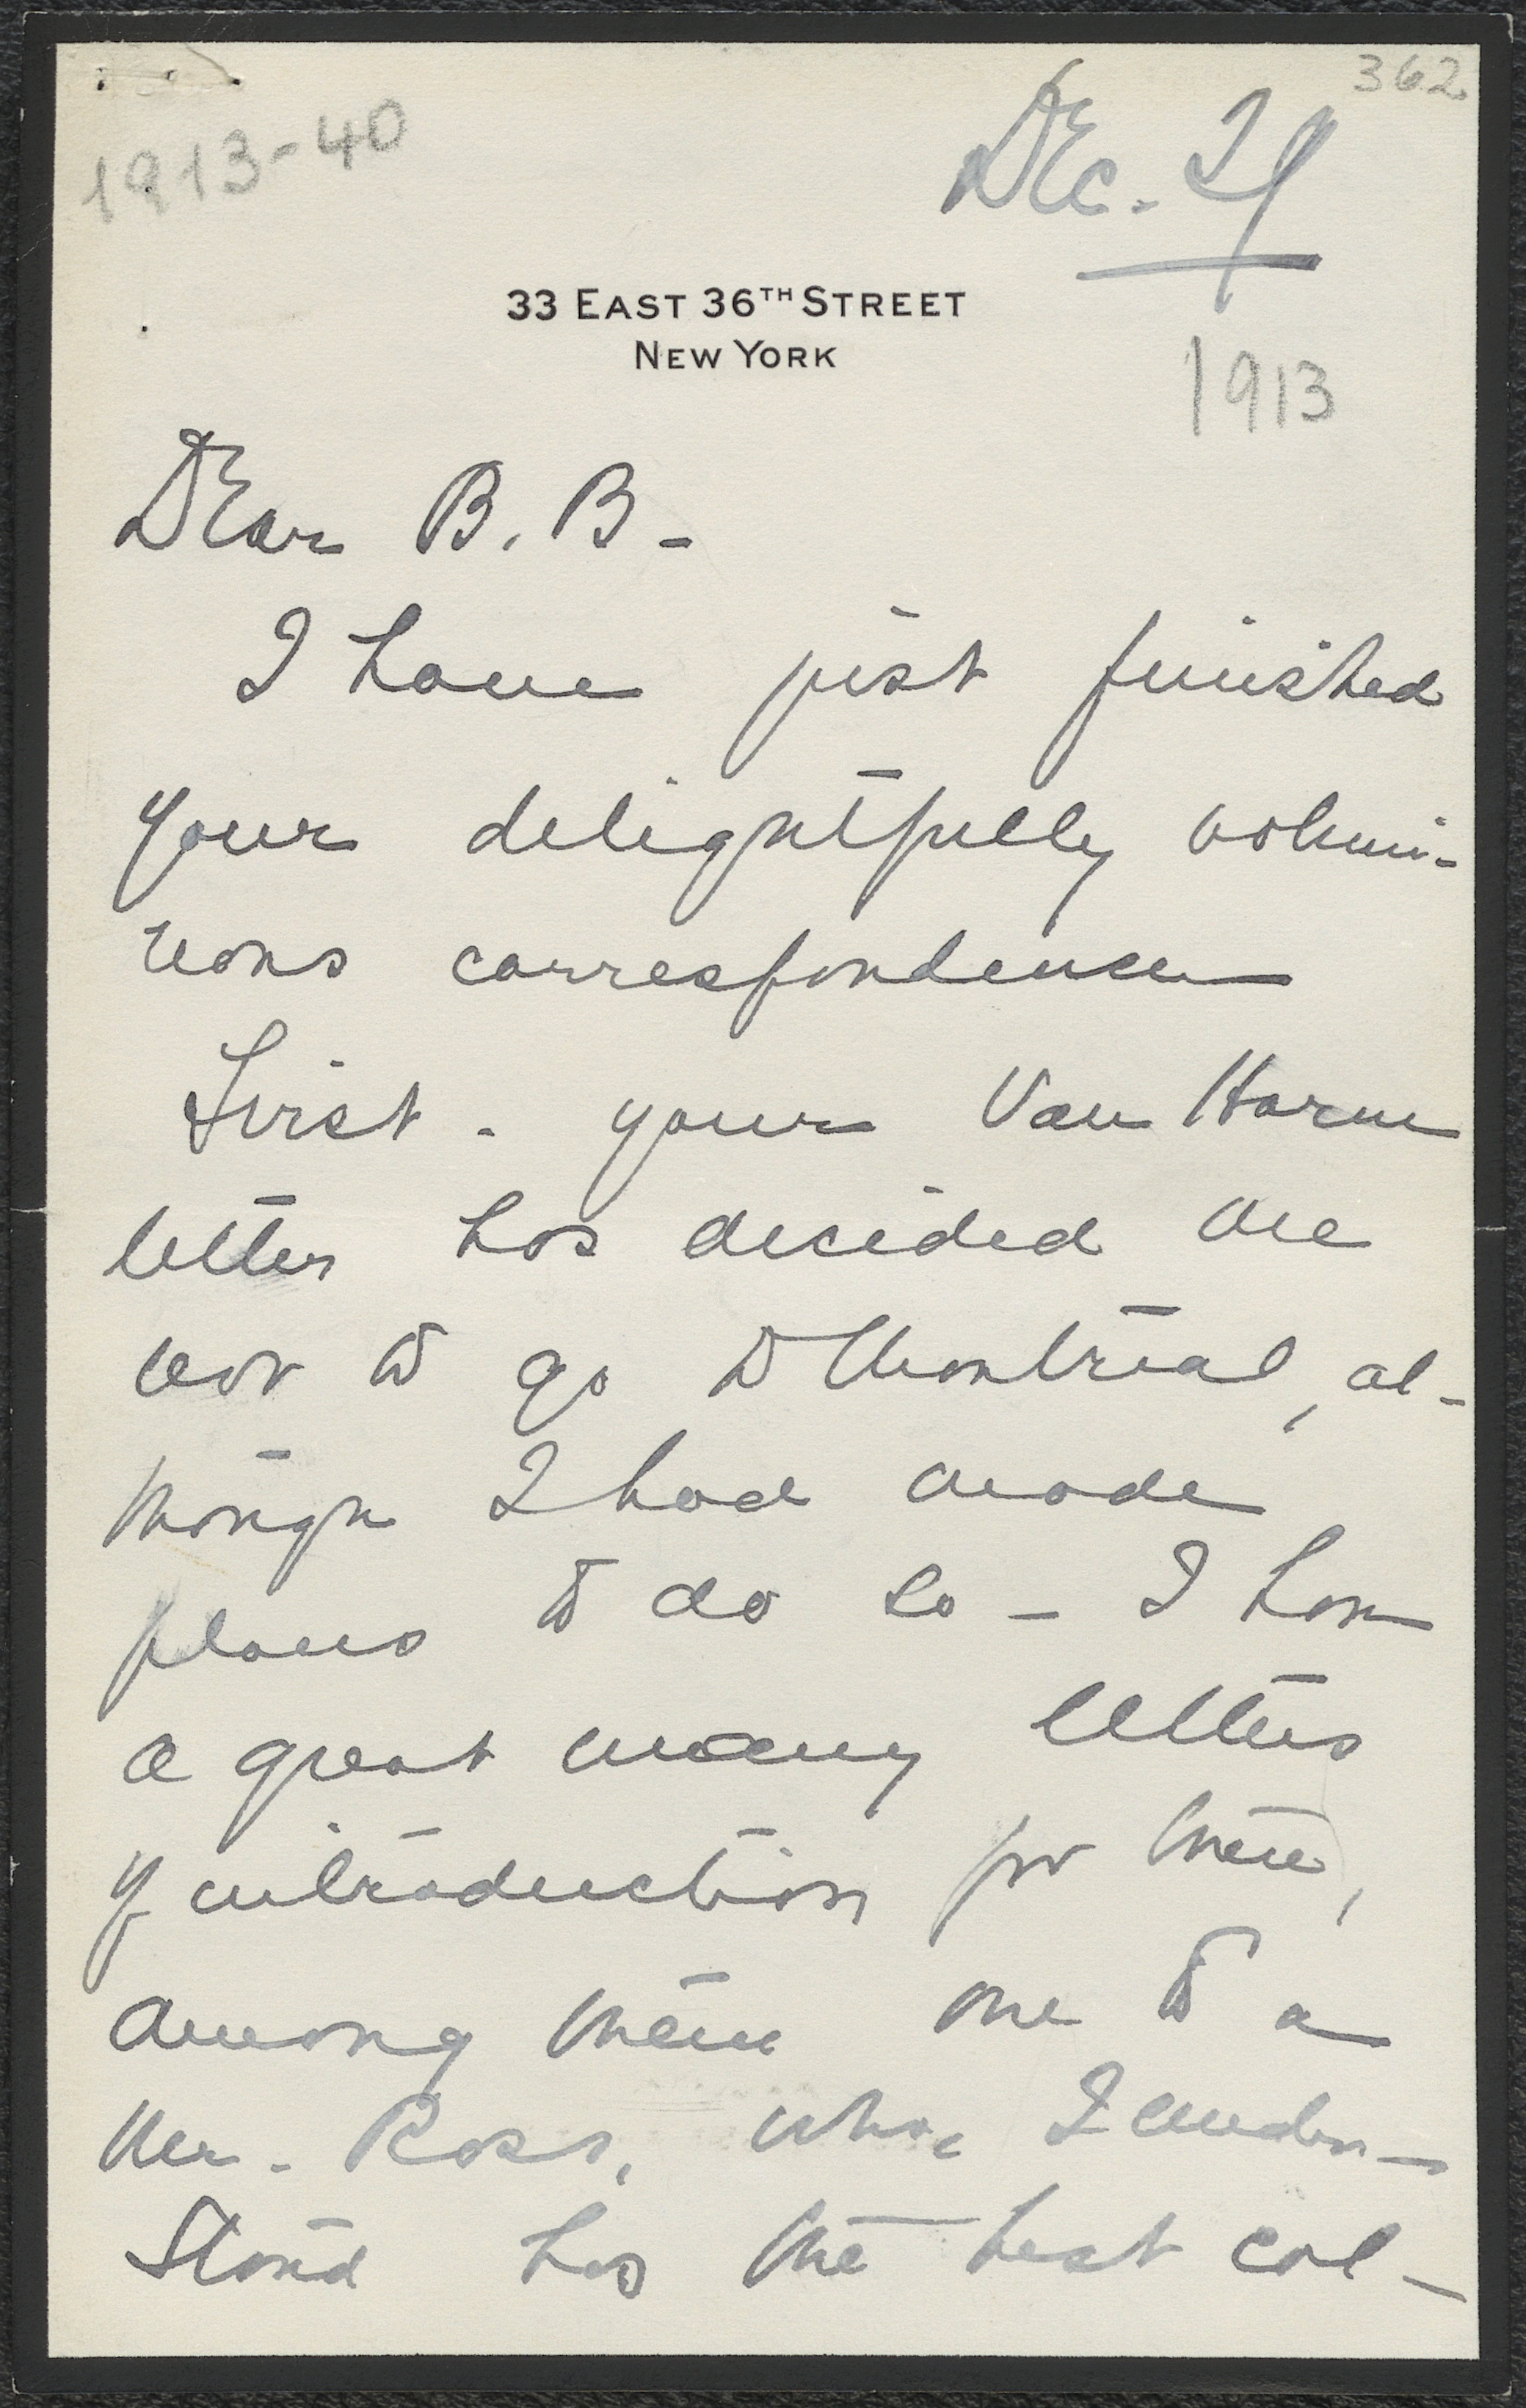Dec. 29
Dear B. B –
I have just finished your delightfully voluminous correspondence
First – your Van Horne letter has decided me not to go to Montreal, although I had made plans to do so – I have a great many letters of introduction for there, among them one to a Mr. Ross, who, I understand has the best collection